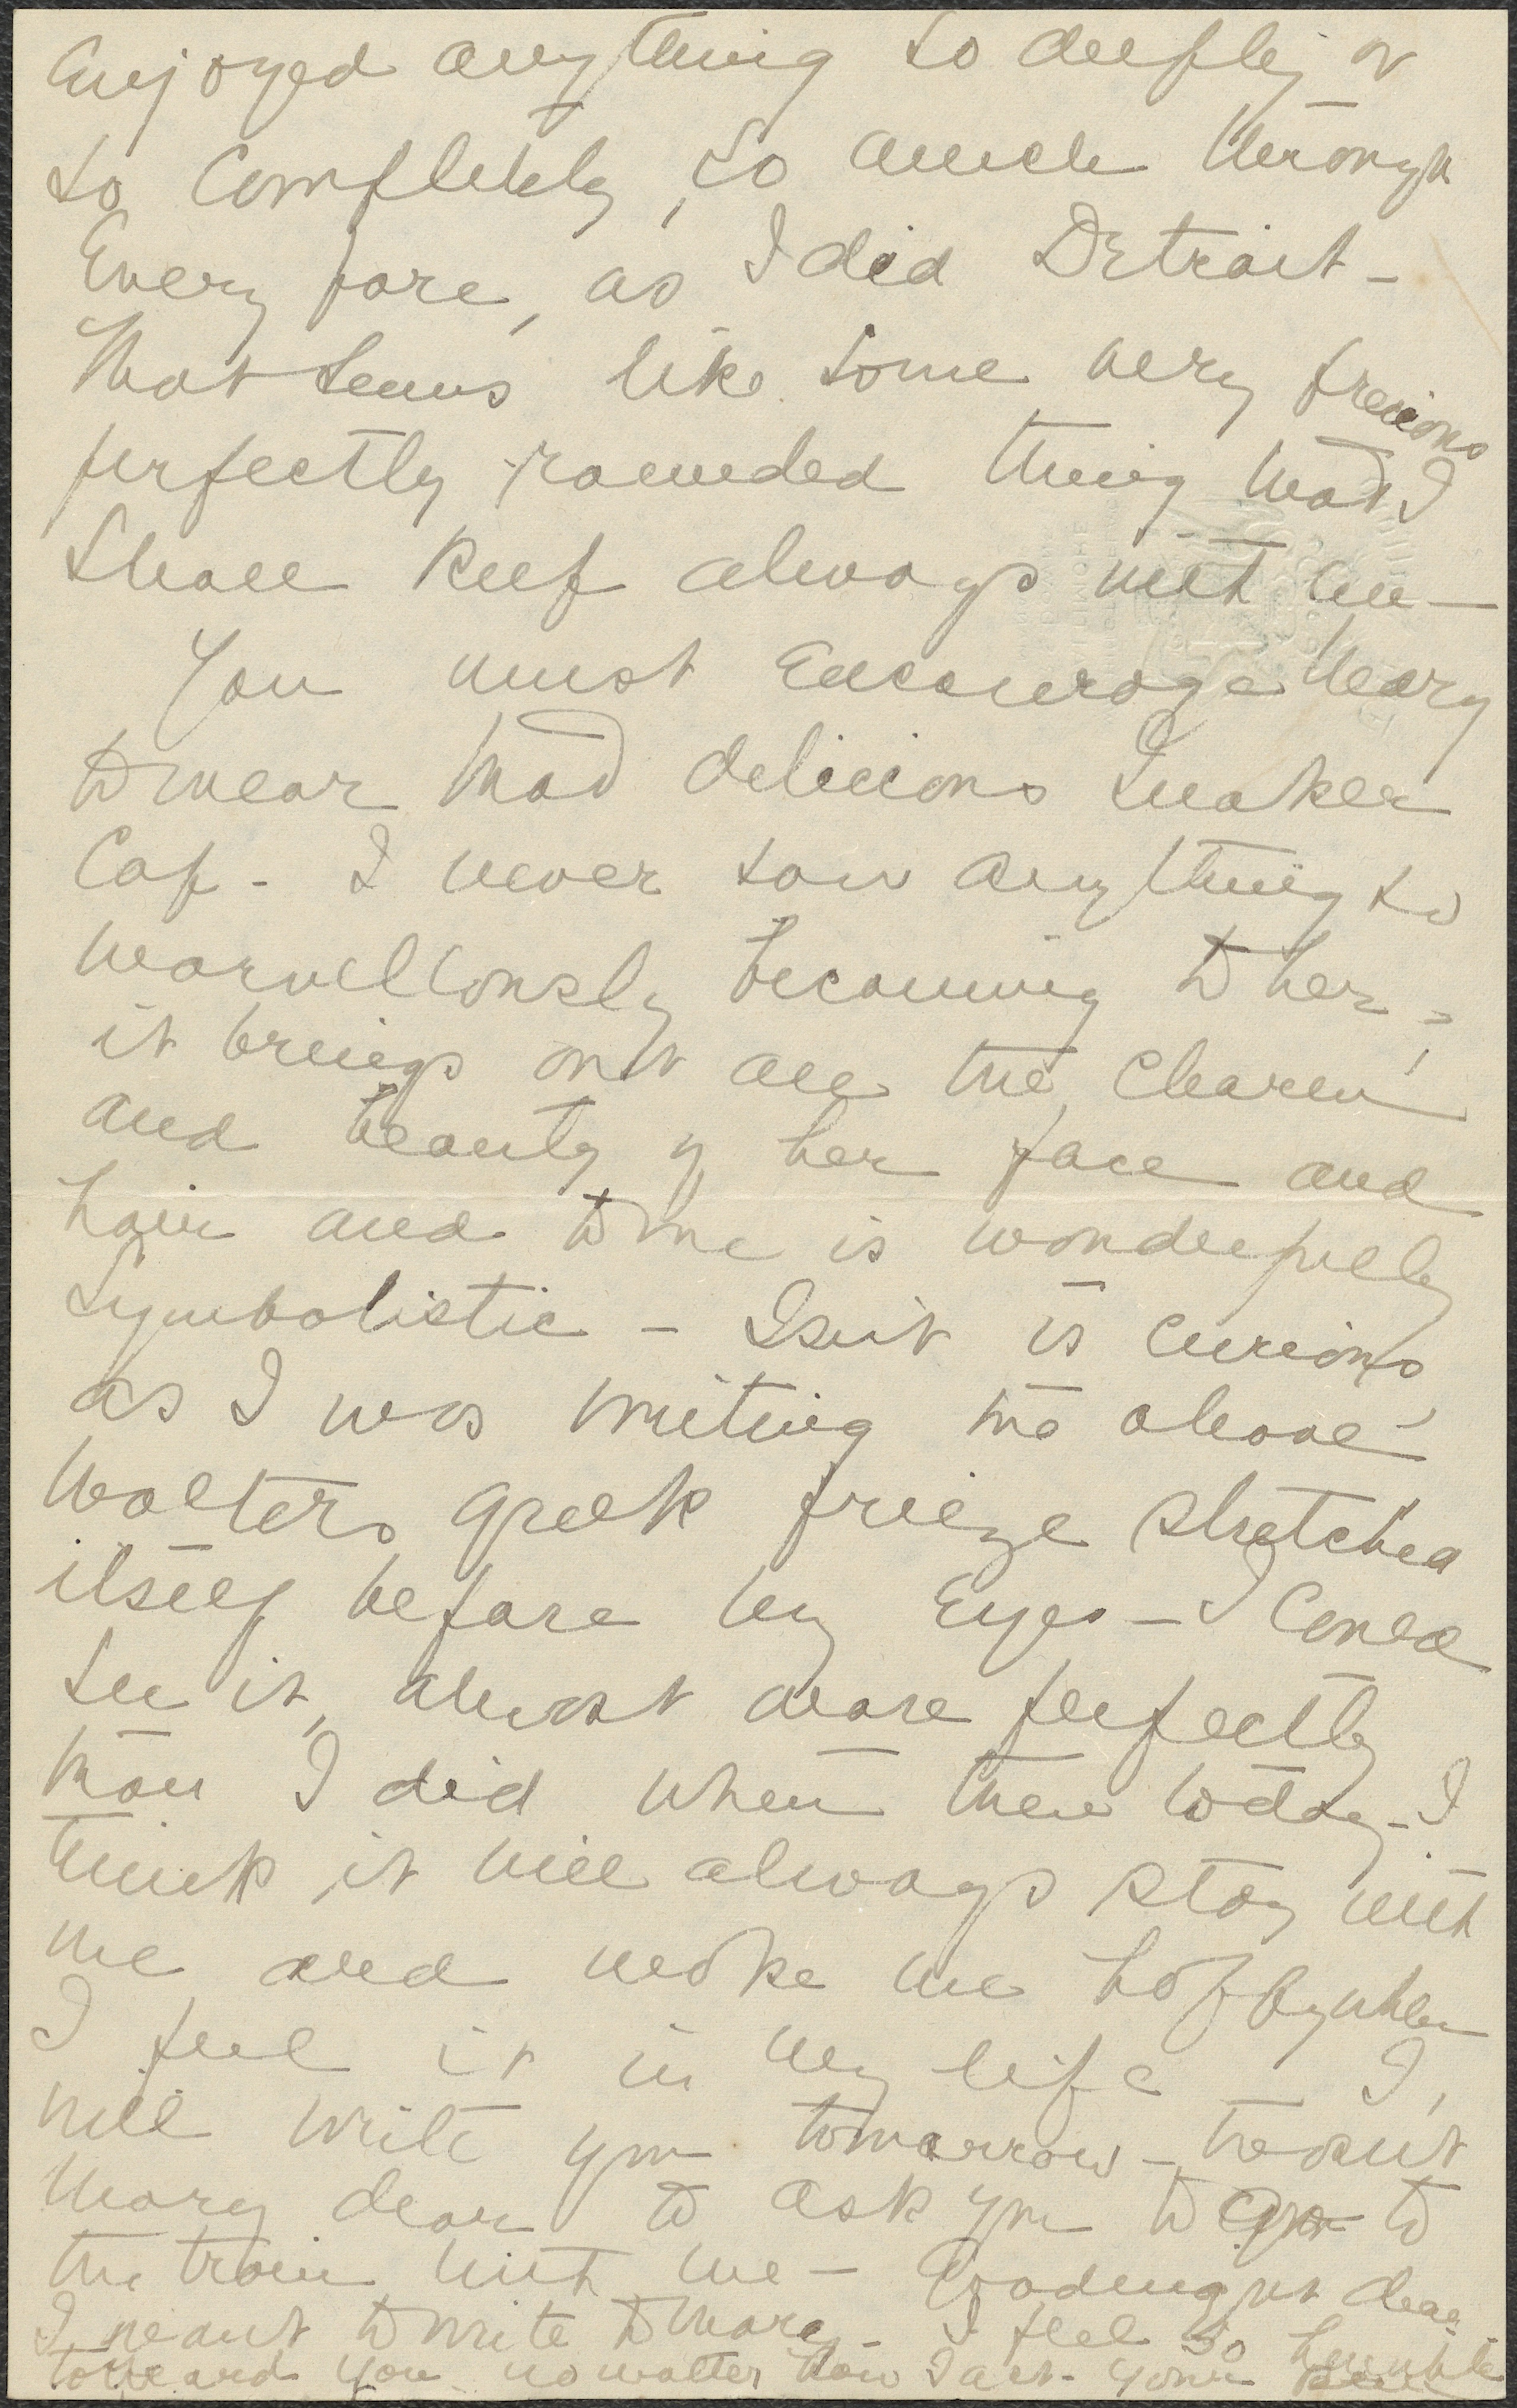enjoyed anything so deeply or so completely, so much through every pore, as I did Detroit – that seems like some very precious perfectly rounded thing that I shall keep always with me –
You must encourage Mary to wear that delicious Quaker cap – I never saw anything so marvelously becoming to her – it brings out all the charm and beauty of her face and hair and to me is wonderfully symbolistic – Isn’t it curious, as I was writing the above Walters greek frieze sketched itself before my eyes – I could see it almost more perfectly than I did when there today – I think it will always stay with me and make me happy when I feel it in my life – I will write you tomorrow – Tho [?] isn’t Mary dear to ask you to go to the train with me – Goodnight dear I meant to write to Mary – I feel so horrible toward you no matter how I act – Your Belle